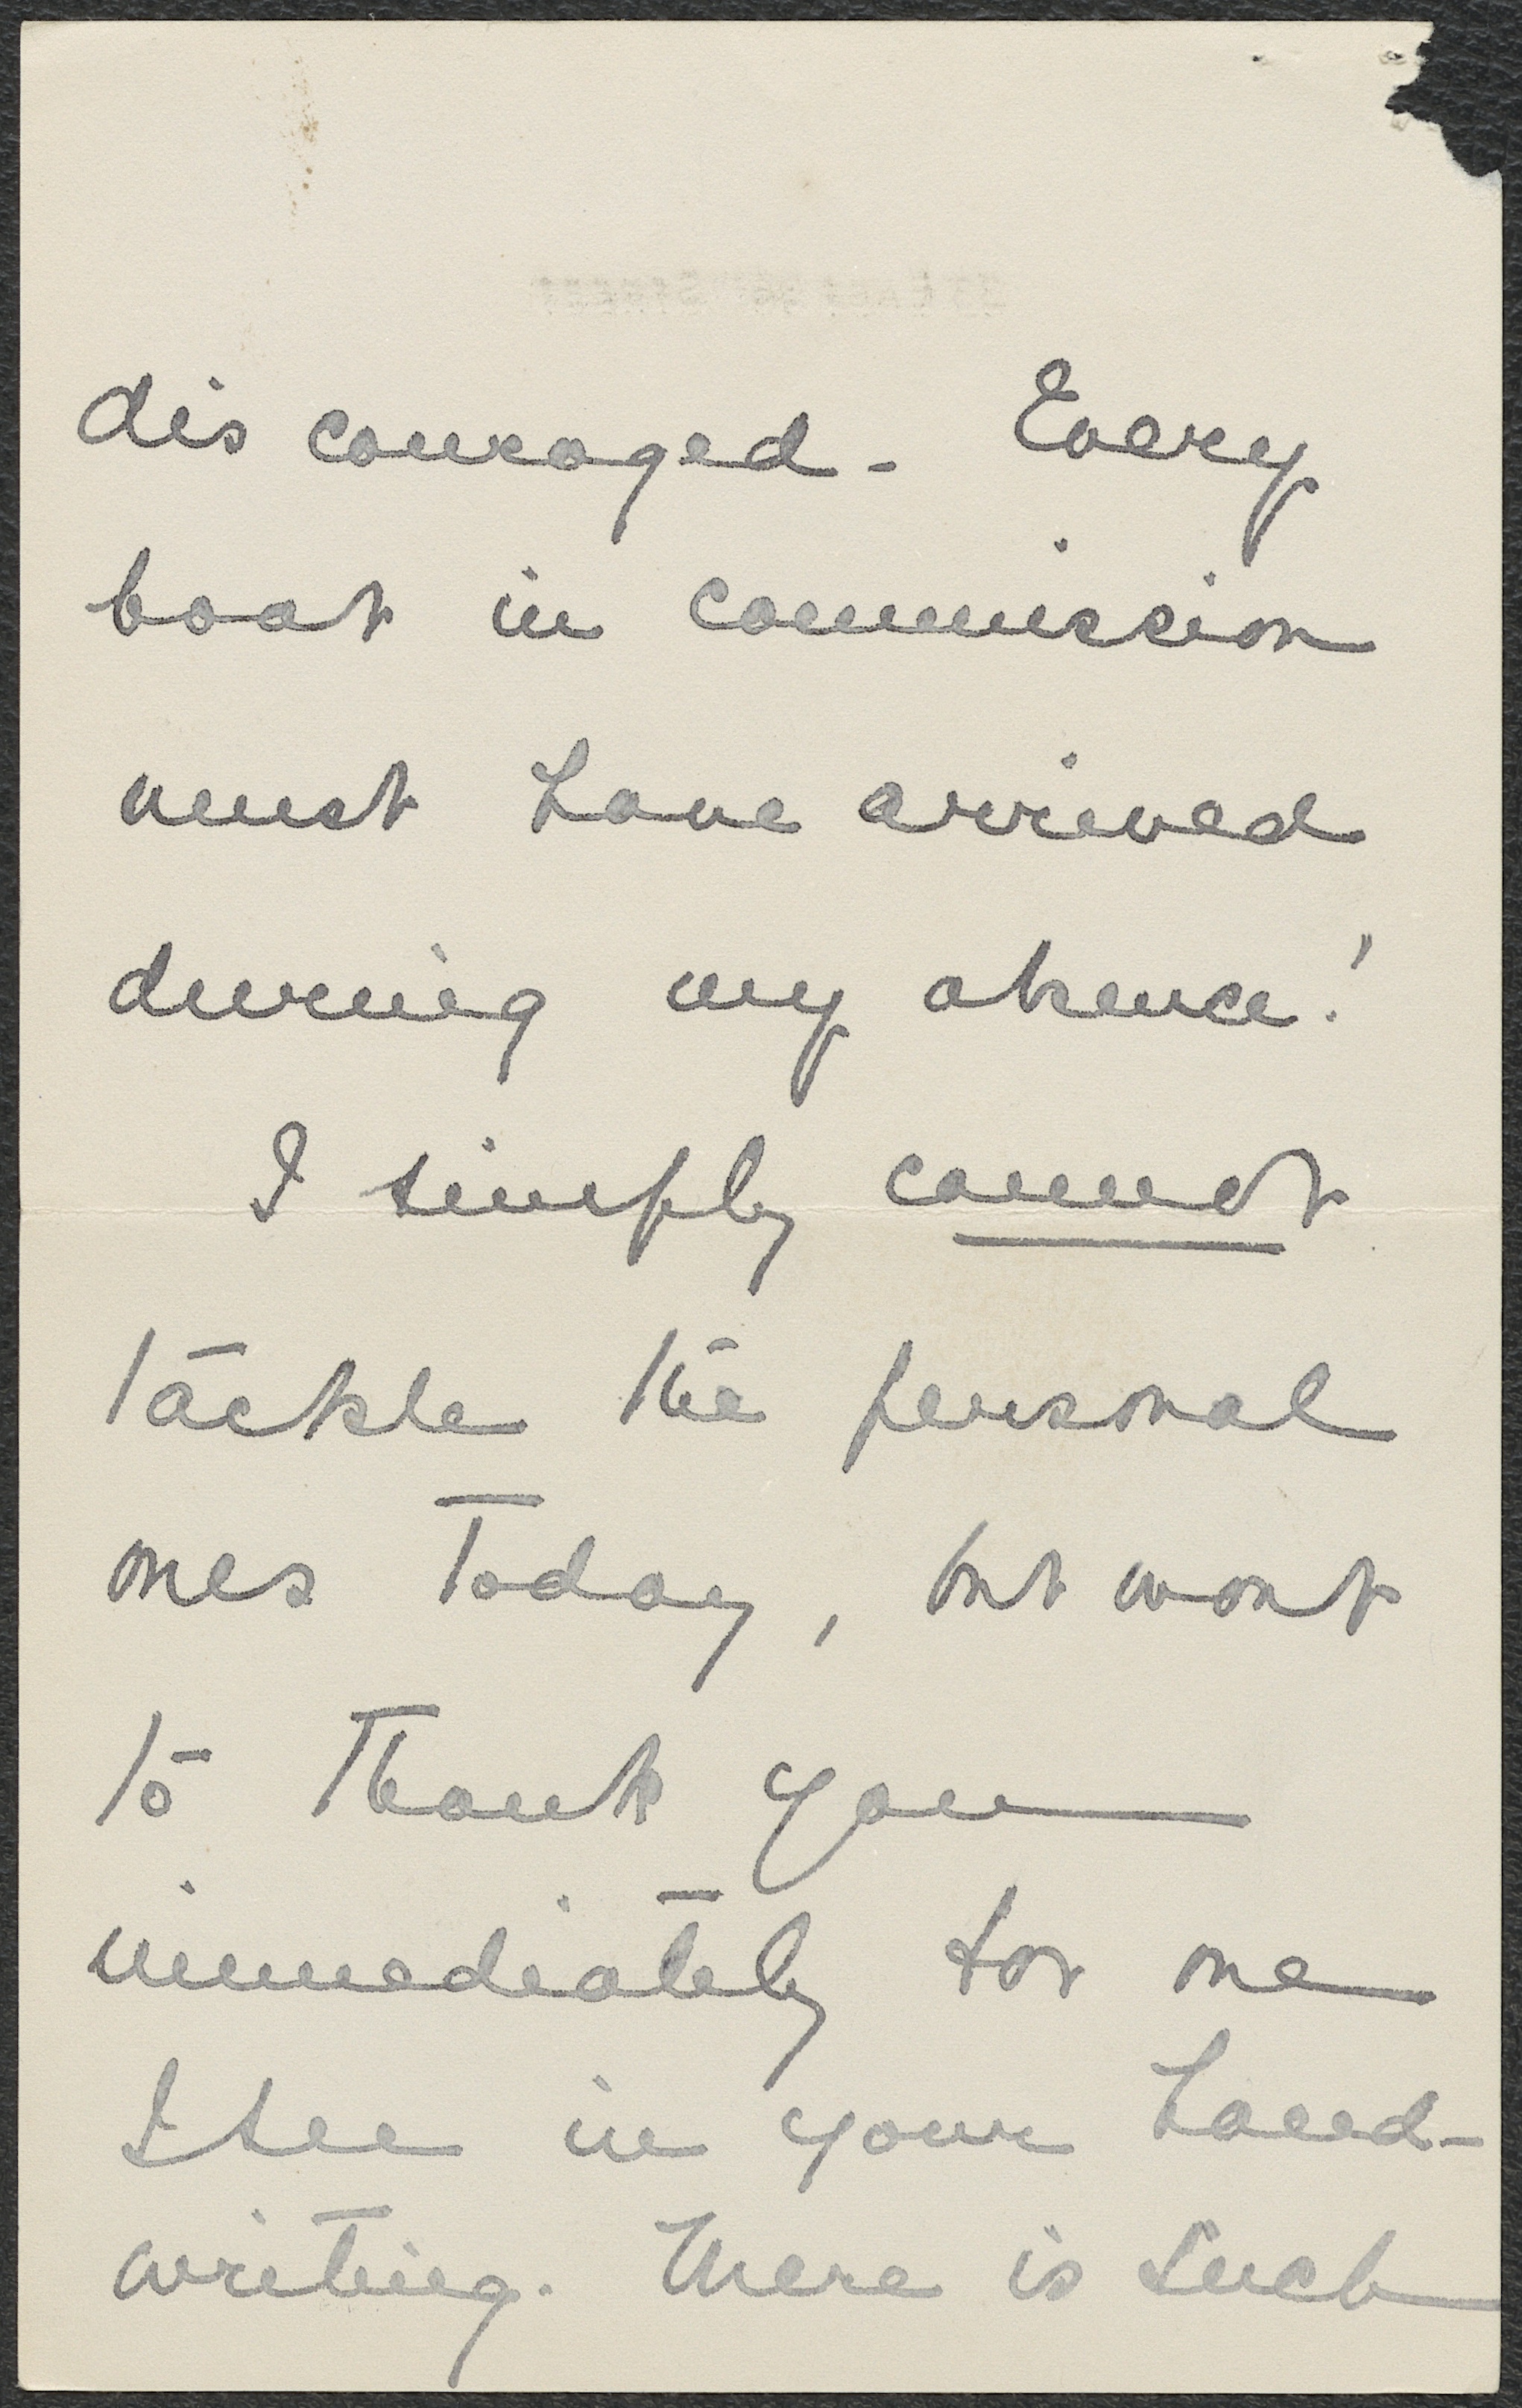discouraged – Every boat in commission must have arrived during my absence!
I simply cannot tackle the personal ones today, but want to thank you immediately for one I see in your handwriting. There is such